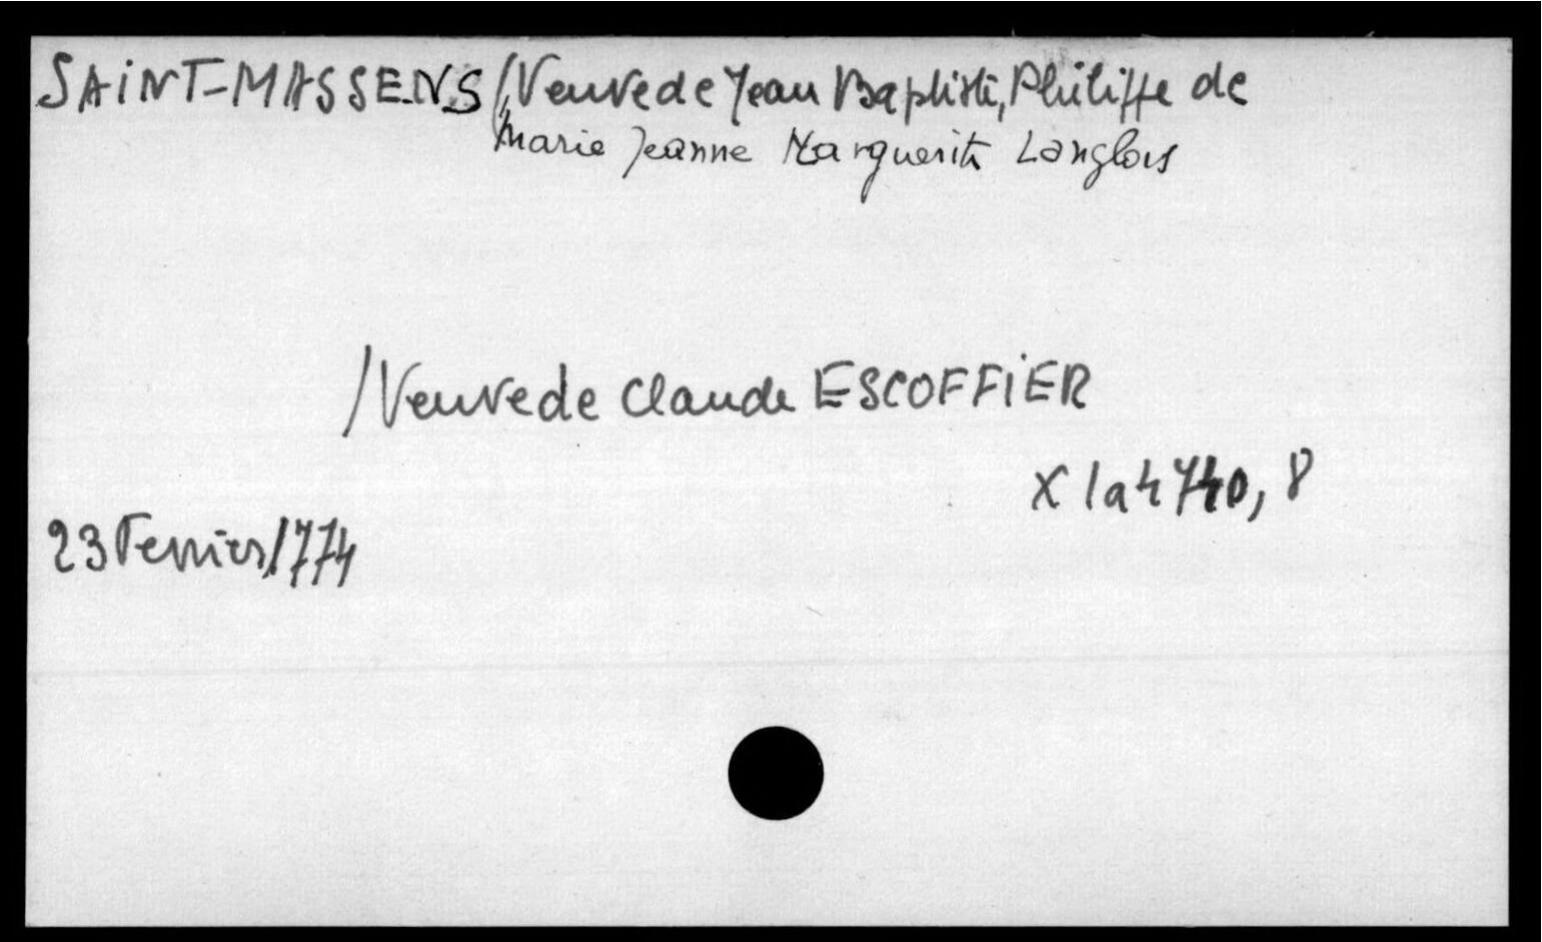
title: SAINT-MASSENS (Veuve de Jean Baptiste, Philippe de marie Jeanne Marguerite Langlois
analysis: Contre Veuve de Claude ESCOFFIER
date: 23 février 1774
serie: X1a
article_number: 4740
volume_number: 8
